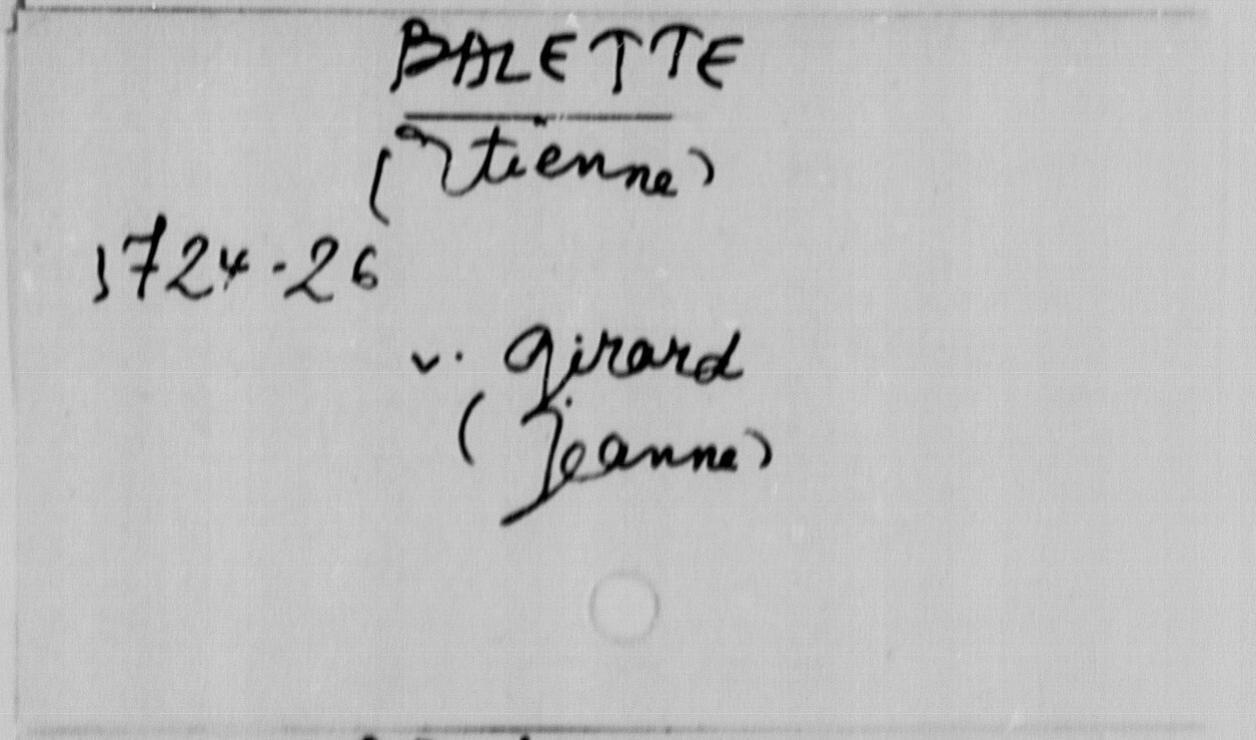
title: BALETTE (Etienne)
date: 1724-1726
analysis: Voir Girard (Jeanne)
